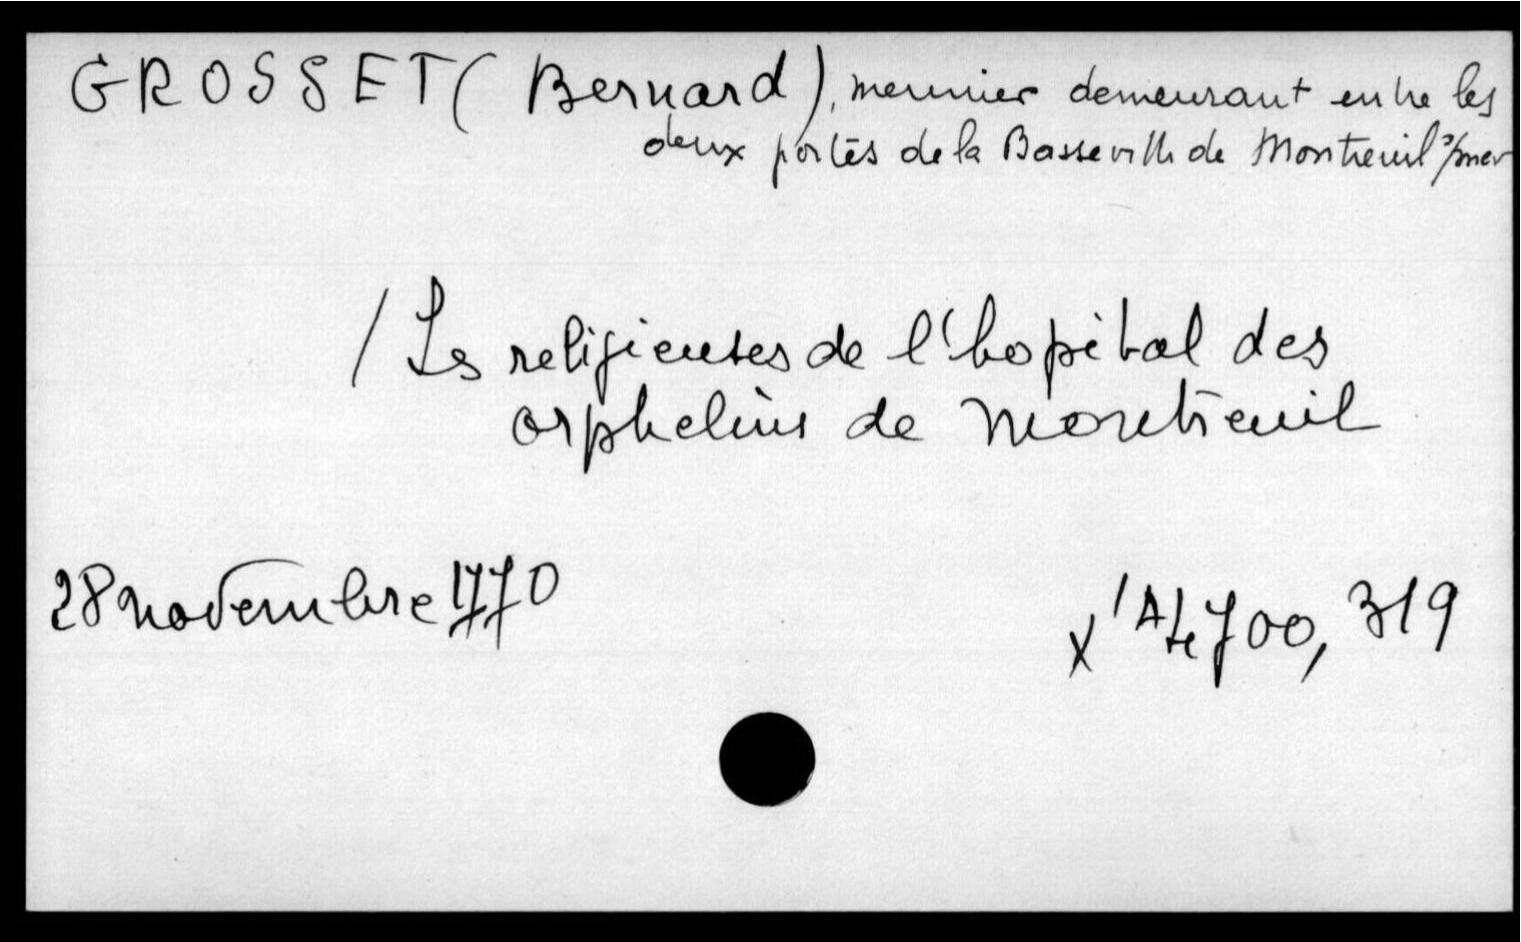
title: GROSSET (Bernard), meunier demeurant entre les deux portes de la basse ville de Montreuil-sur-Mer
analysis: Contre les religieuses de l'hôpital des orphelins de Montreuil
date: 28 novembre 1770
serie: X1A
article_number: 4700
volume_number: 319
